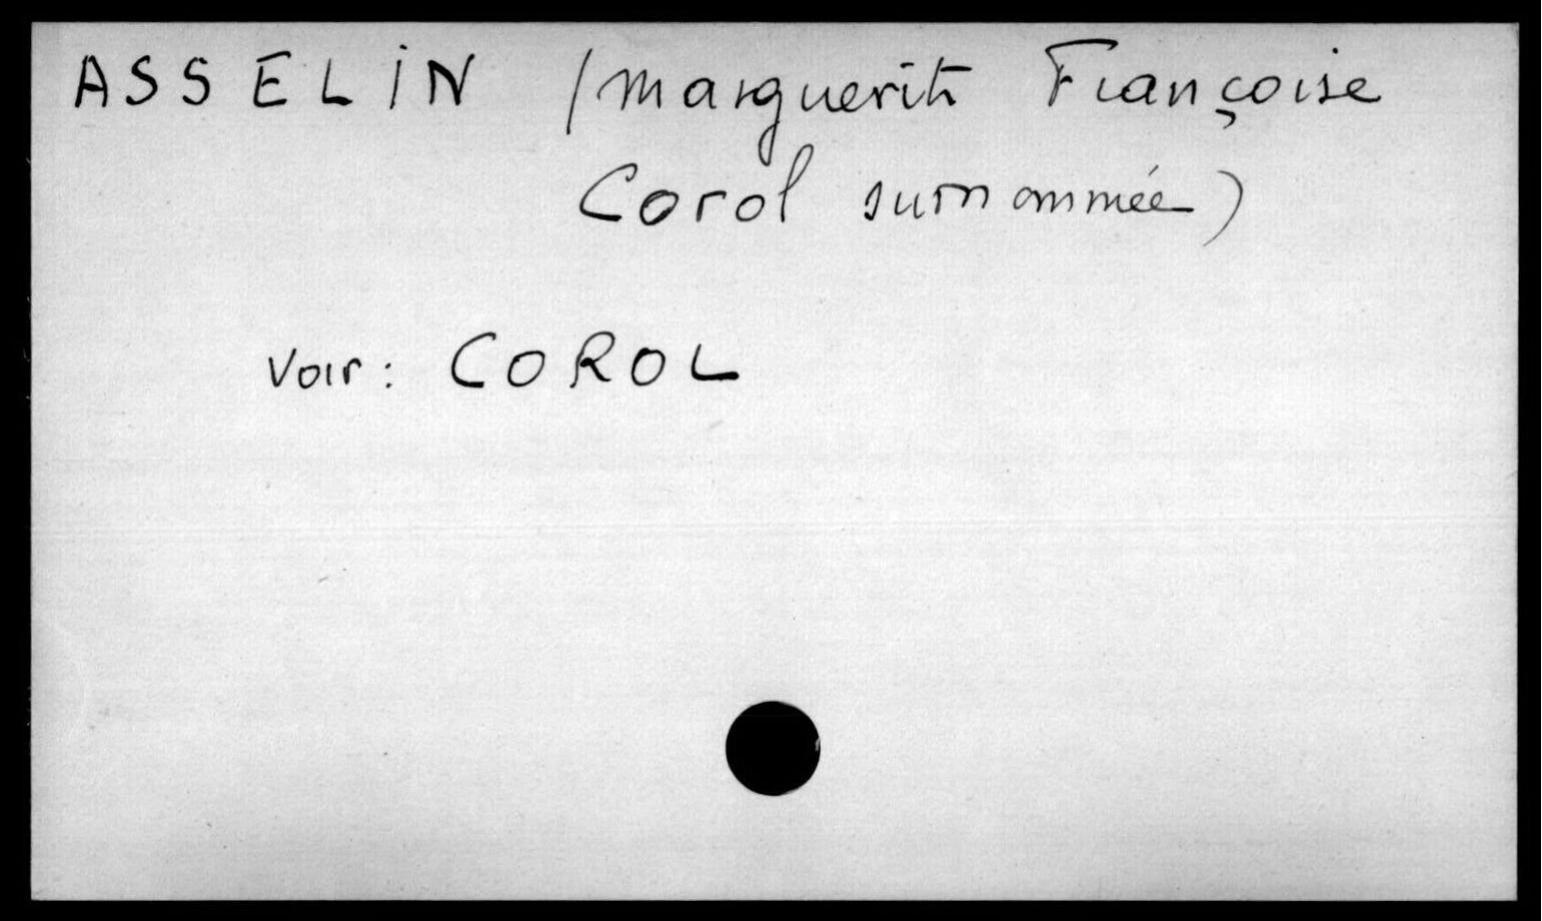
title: ASSELIN (Marguerite Françoise Corol surnonnée)
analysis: Voir : COROL
